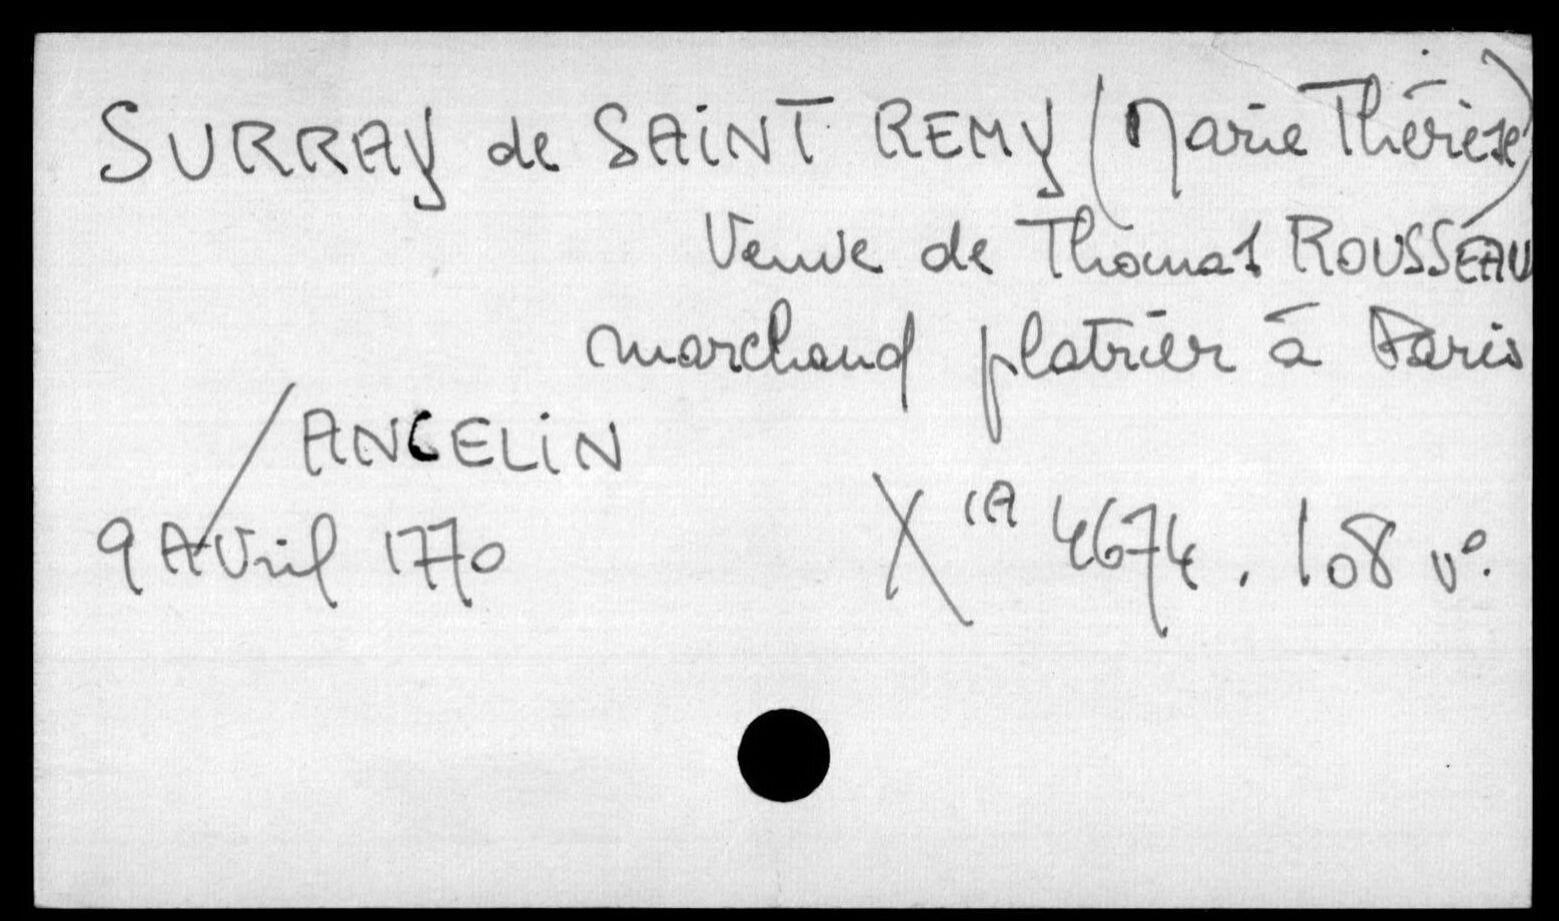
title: SURRAY de SAINT-REMY (Marie Thérèse) Veuve de Thomas ROUSSEAU marchand platrier à Paris
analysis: Contre ANCELIN
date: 9 avril 1770
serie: X1A
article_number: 4674
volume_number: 108v
